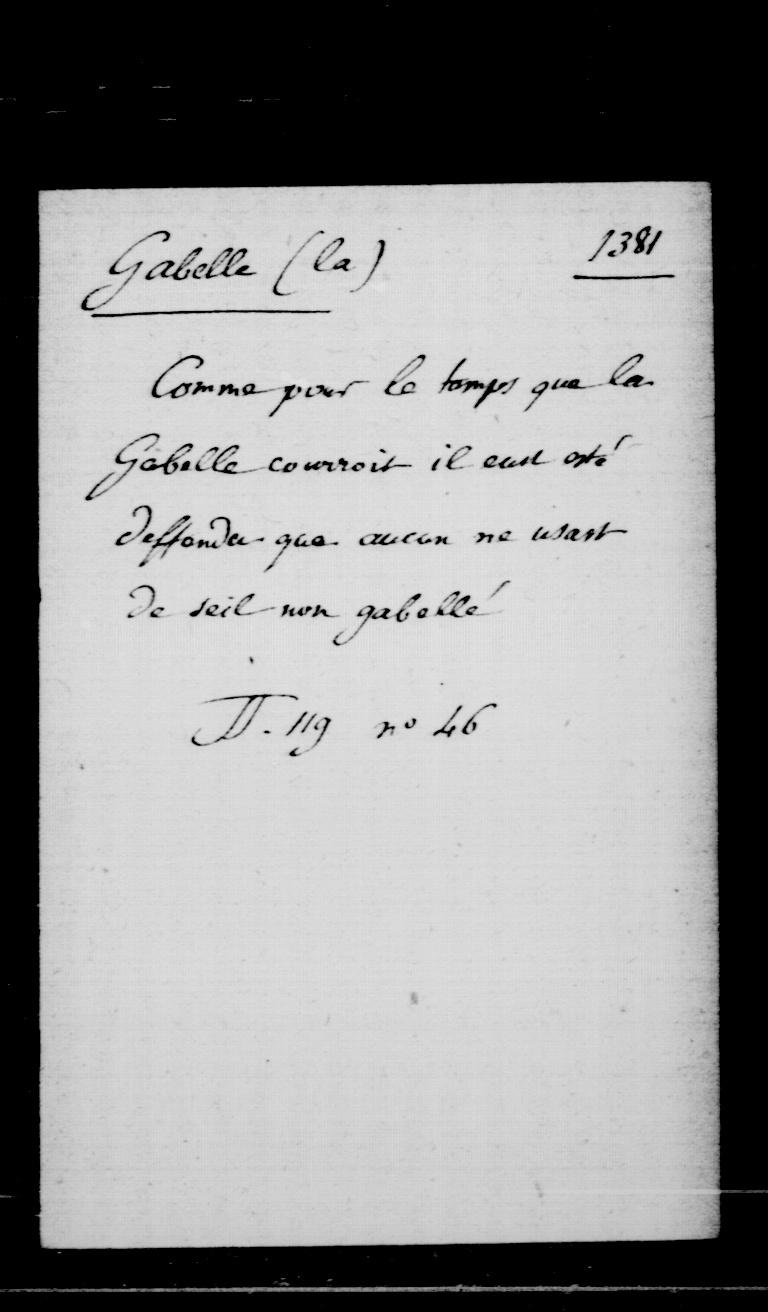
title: Gabelle (la)
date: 1381
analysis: Comme pour le temps que la gabelle courroit il eust esté deffendu que aucun ne usast de seil non gabellé.
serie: JJ
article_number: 119
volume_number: n° 46
